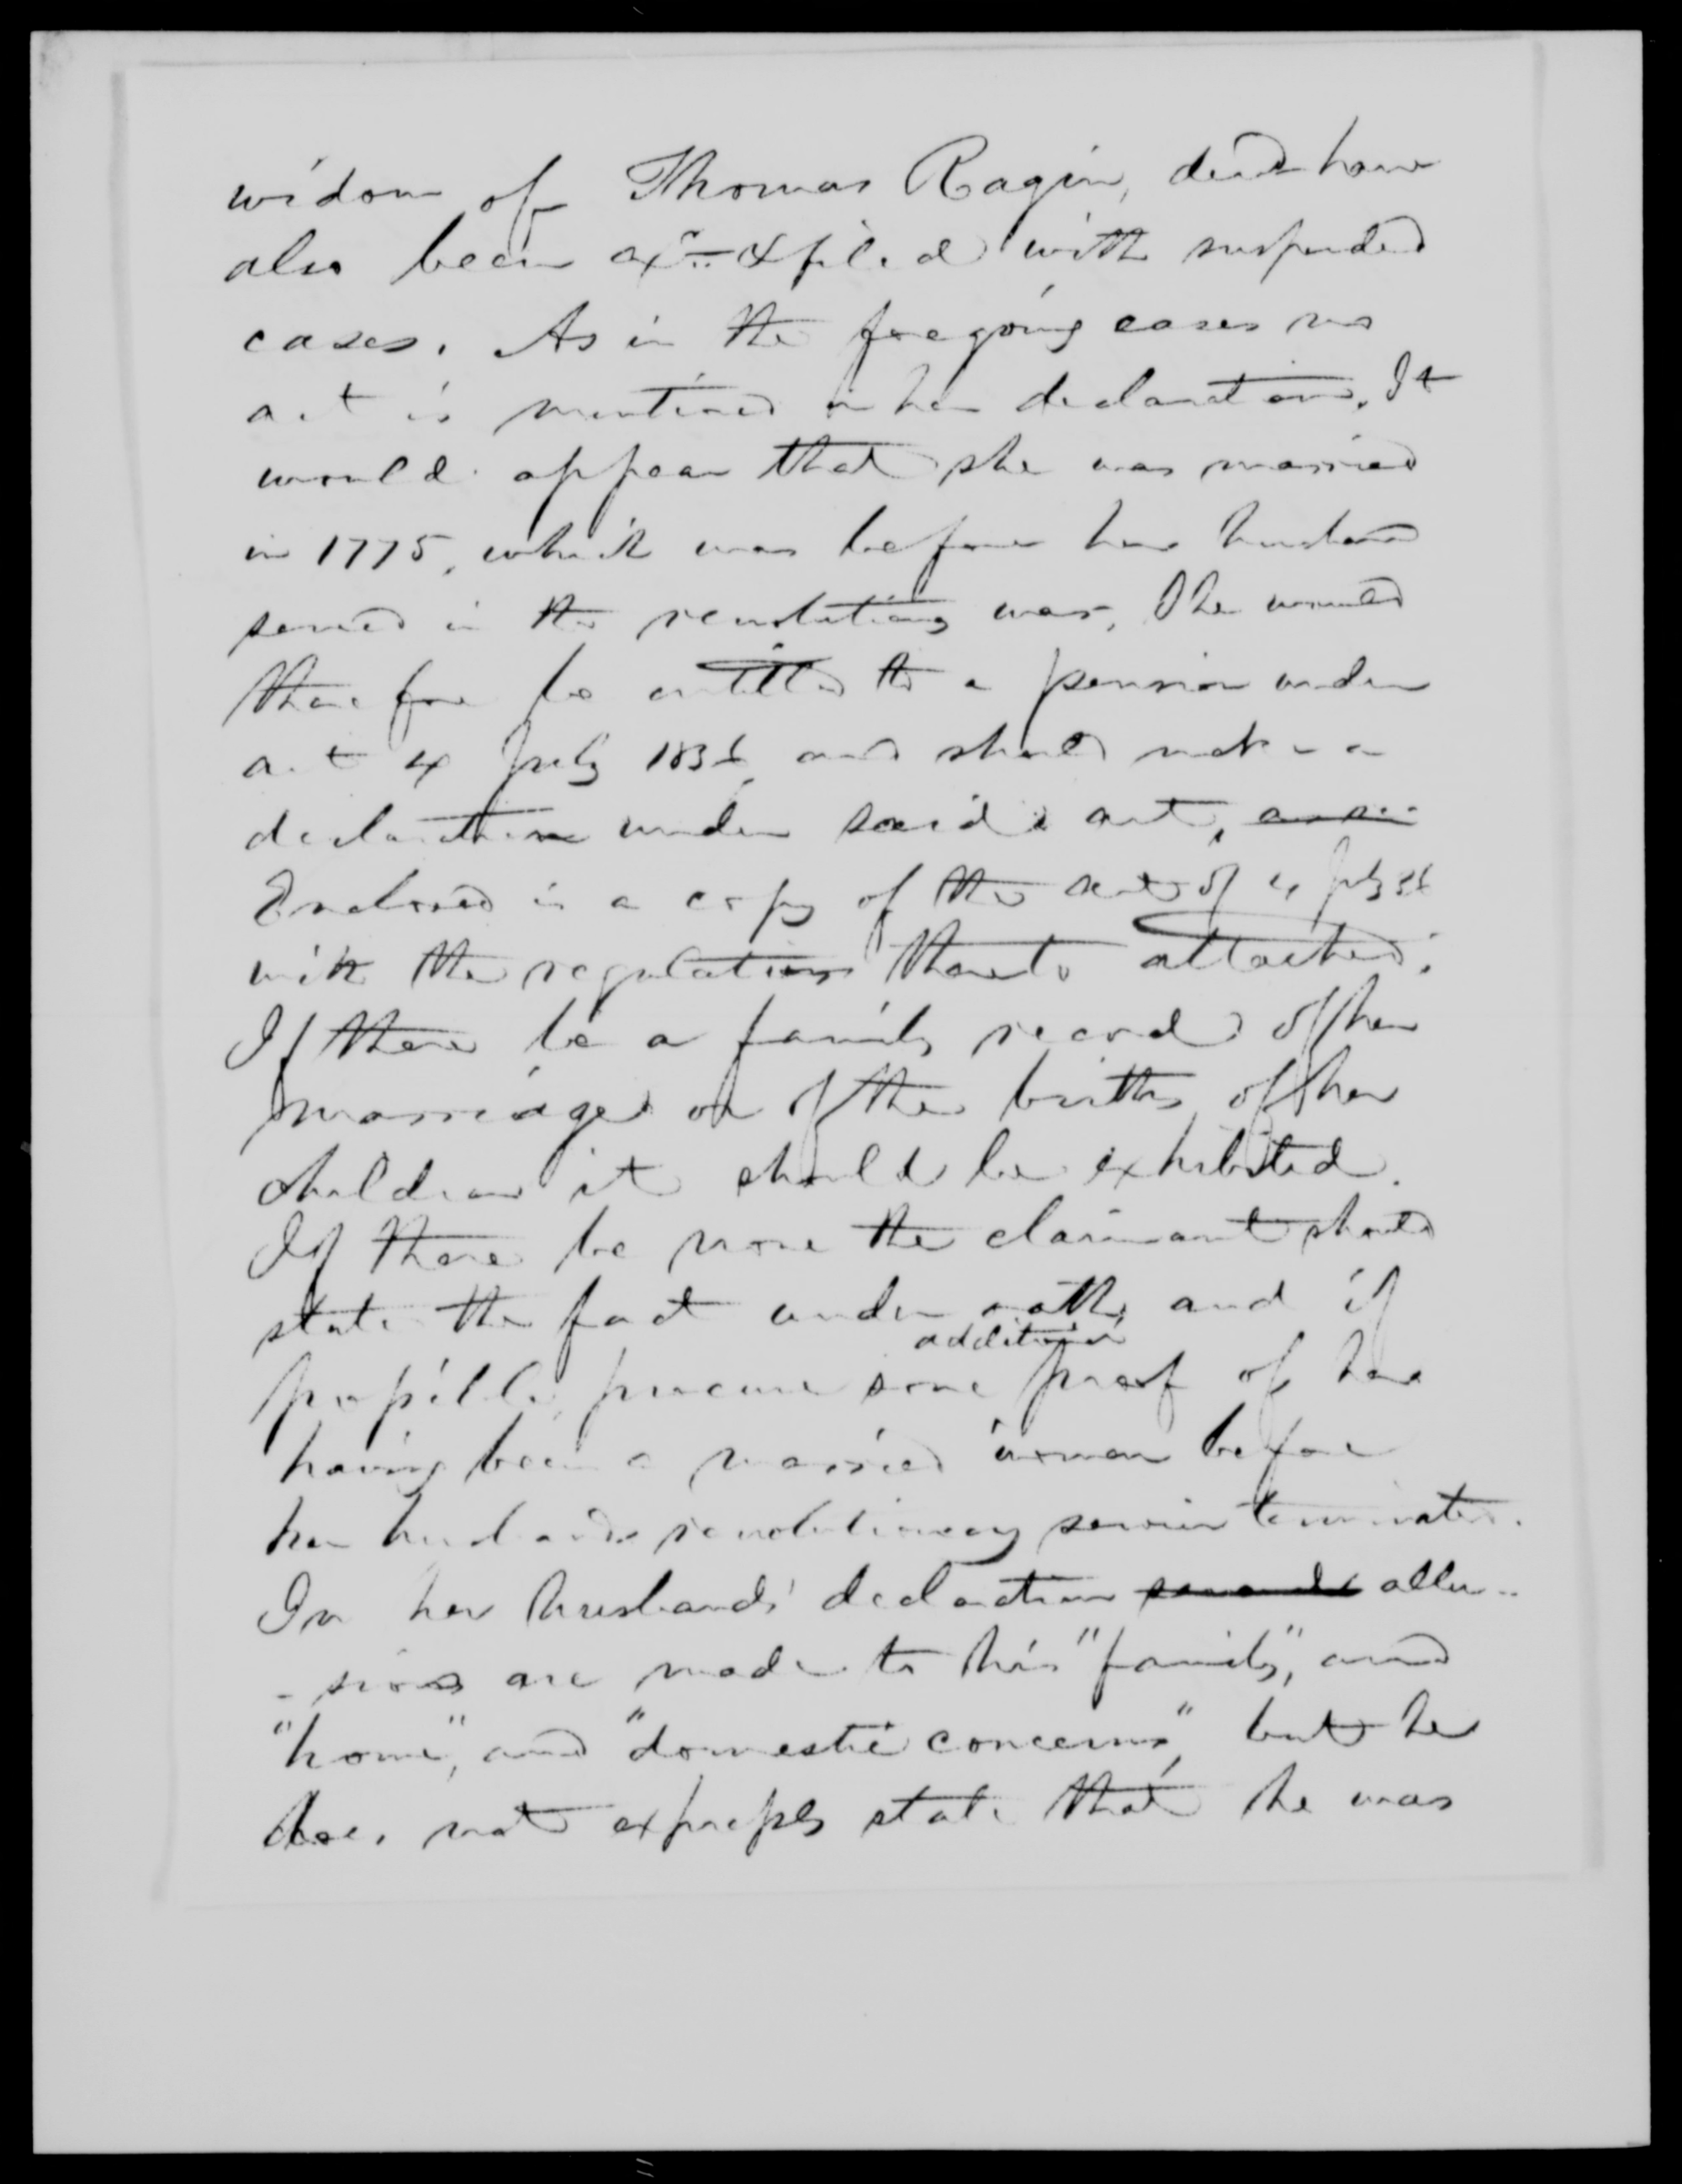widow of Thomas Ragin, dec’d have
also been ex’d & filed with suspended
cases. As in the foregoing cases, no
act is mentioned in her declaration. It
would appear that she was married
in 1775, which was before her husband’s
service in the revolutionary war. She would
therefore  be entitled to a pension under act 
4 July 1836 and should not in a
declaration under said act.
Enclosed is a copy of the act of the 4 July 36
with the regulations thereto attached.
If there be a family record of her
marriage or of the births of her
child it should be exhibited.
If there be none the claimant should
state the fact under oath and if
possible procure some additional proof of her
having been a married woman before
her husbands revolutionary service terminated.
In her husband’s declaration allusions are made to his "family”, and "home”, and “domestic concerns”, 
but he does not expressly state that he was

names: Thomas Ragin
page: 77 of 123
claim: rejected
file: R. 11,949, Matthias Young, Md.